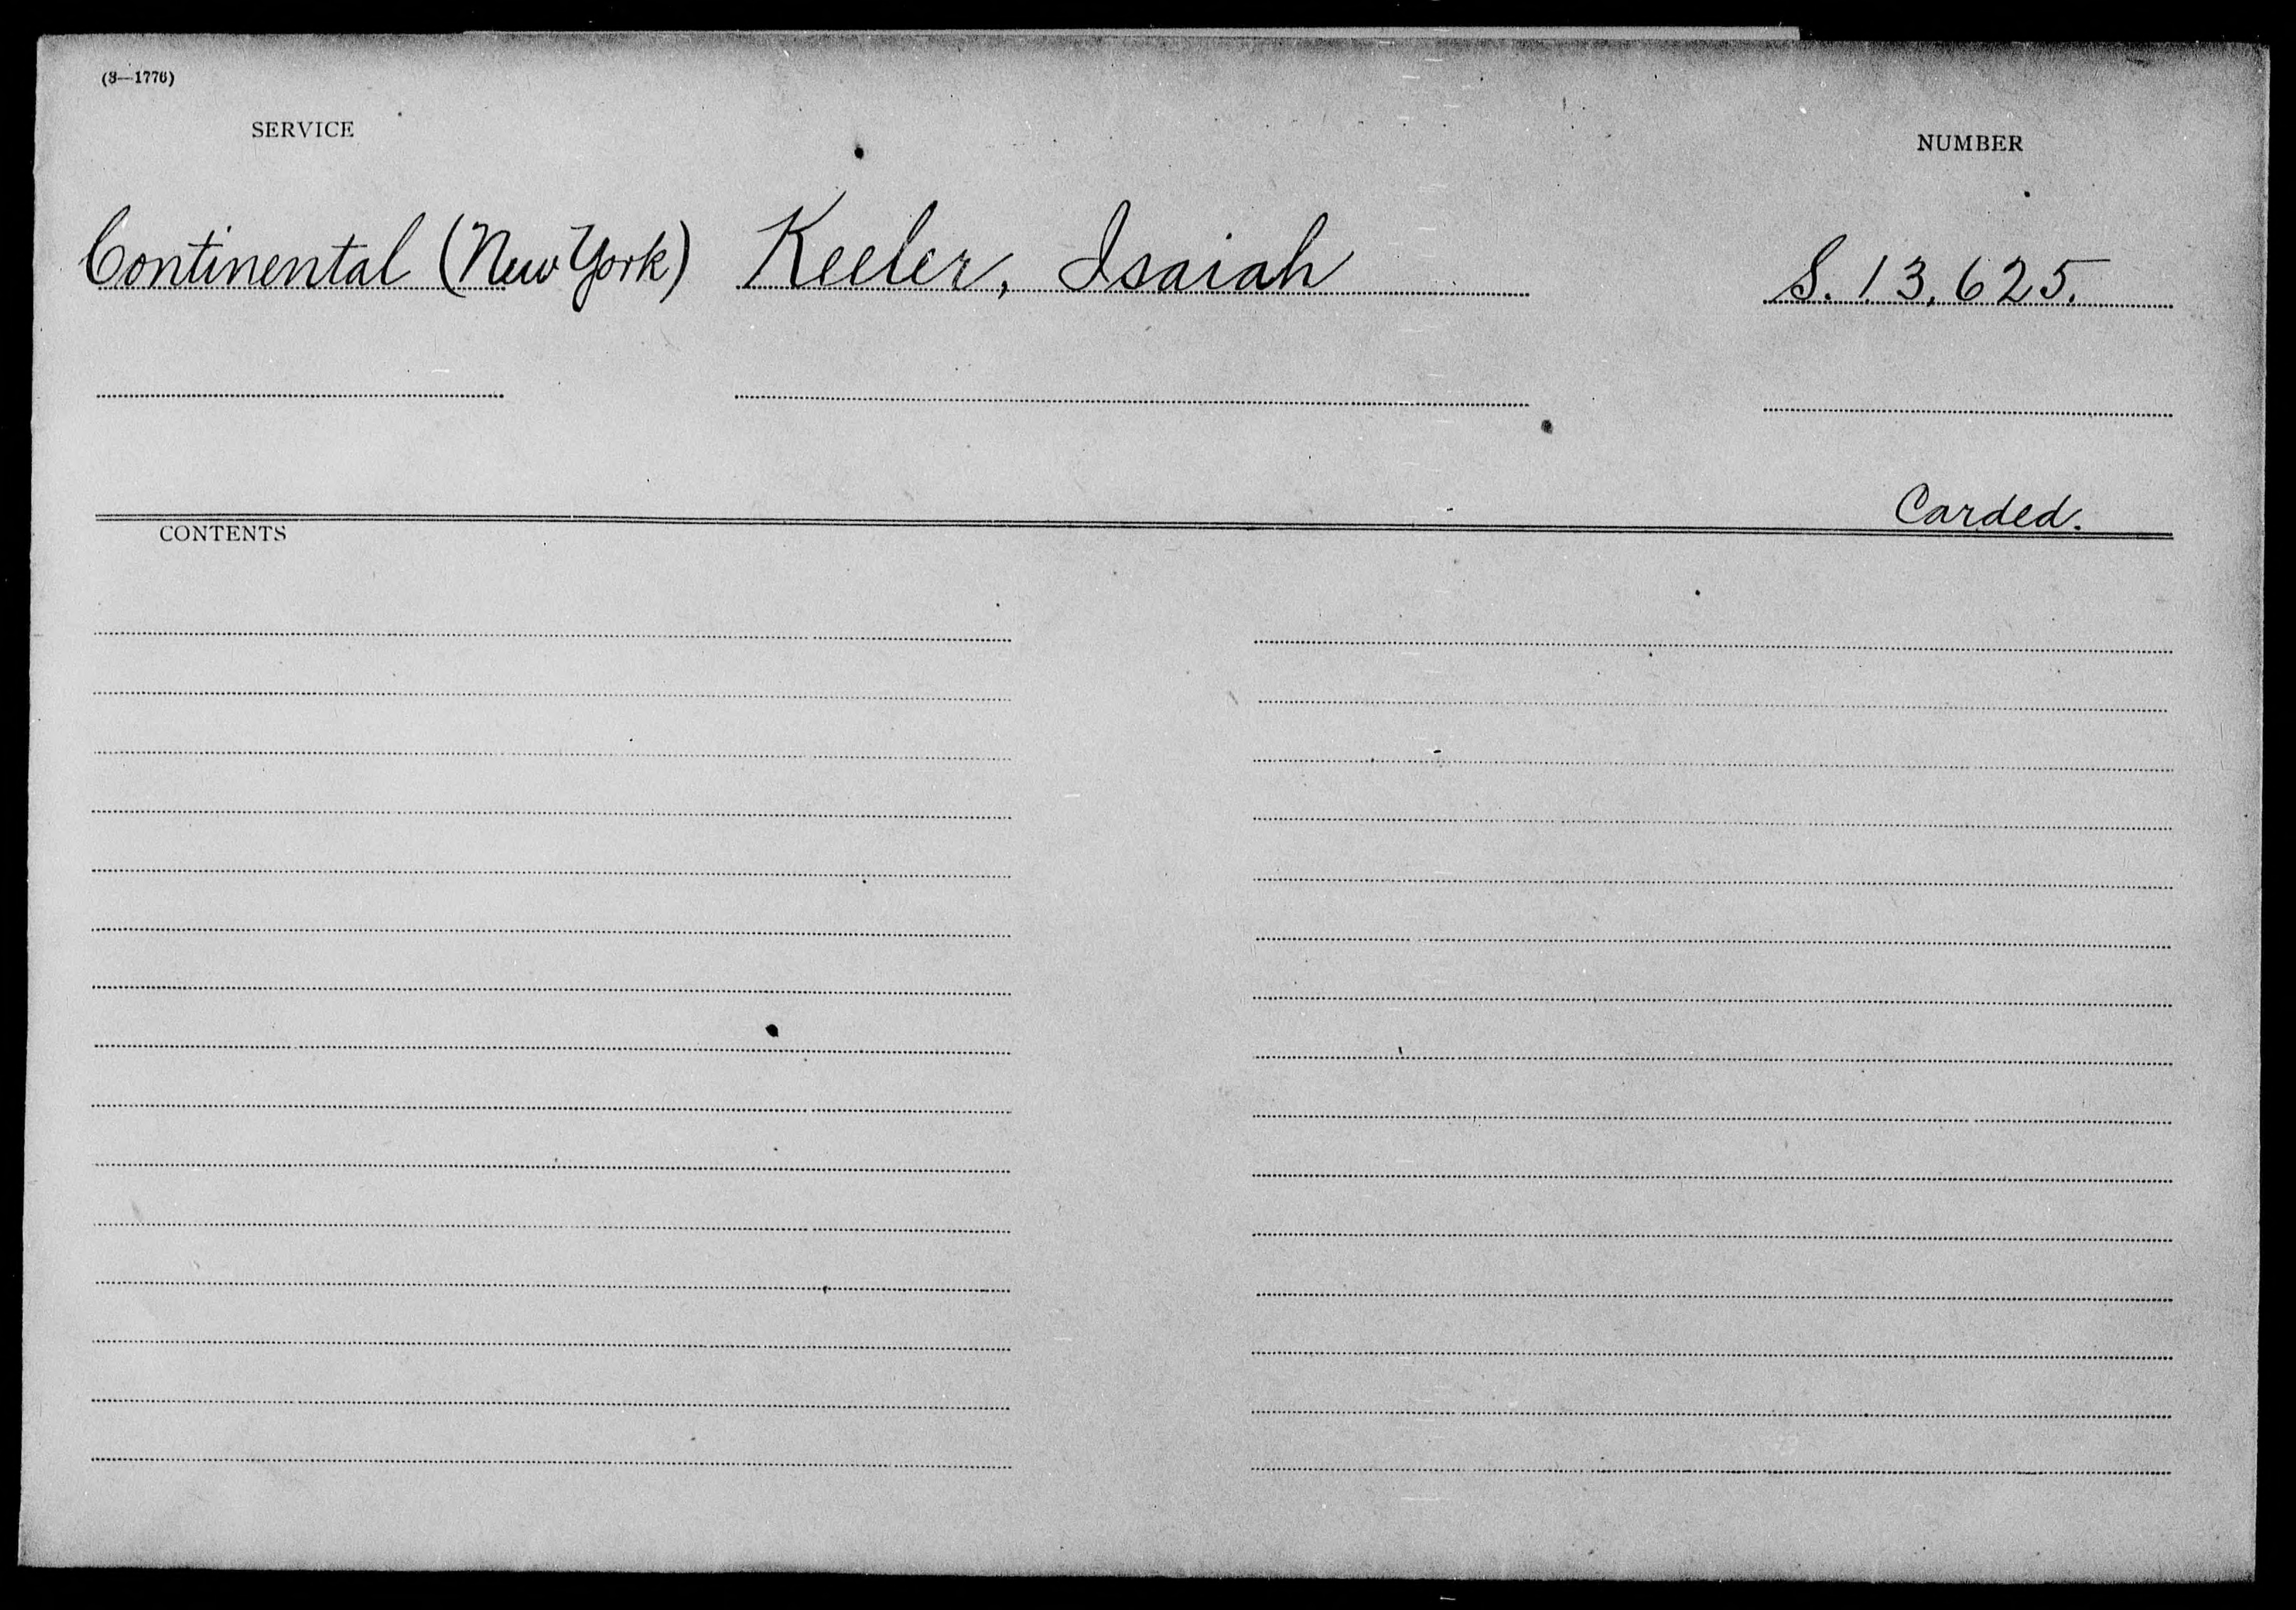SERVICE
Continental (New York)

Keeler, Isaiah          

NUMBER
S.13.625.
                              
                                                                     Carded

CONTENTS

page: 1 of 26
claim: survivor's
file: S. 13,625, for Isaiah Keeler, New York